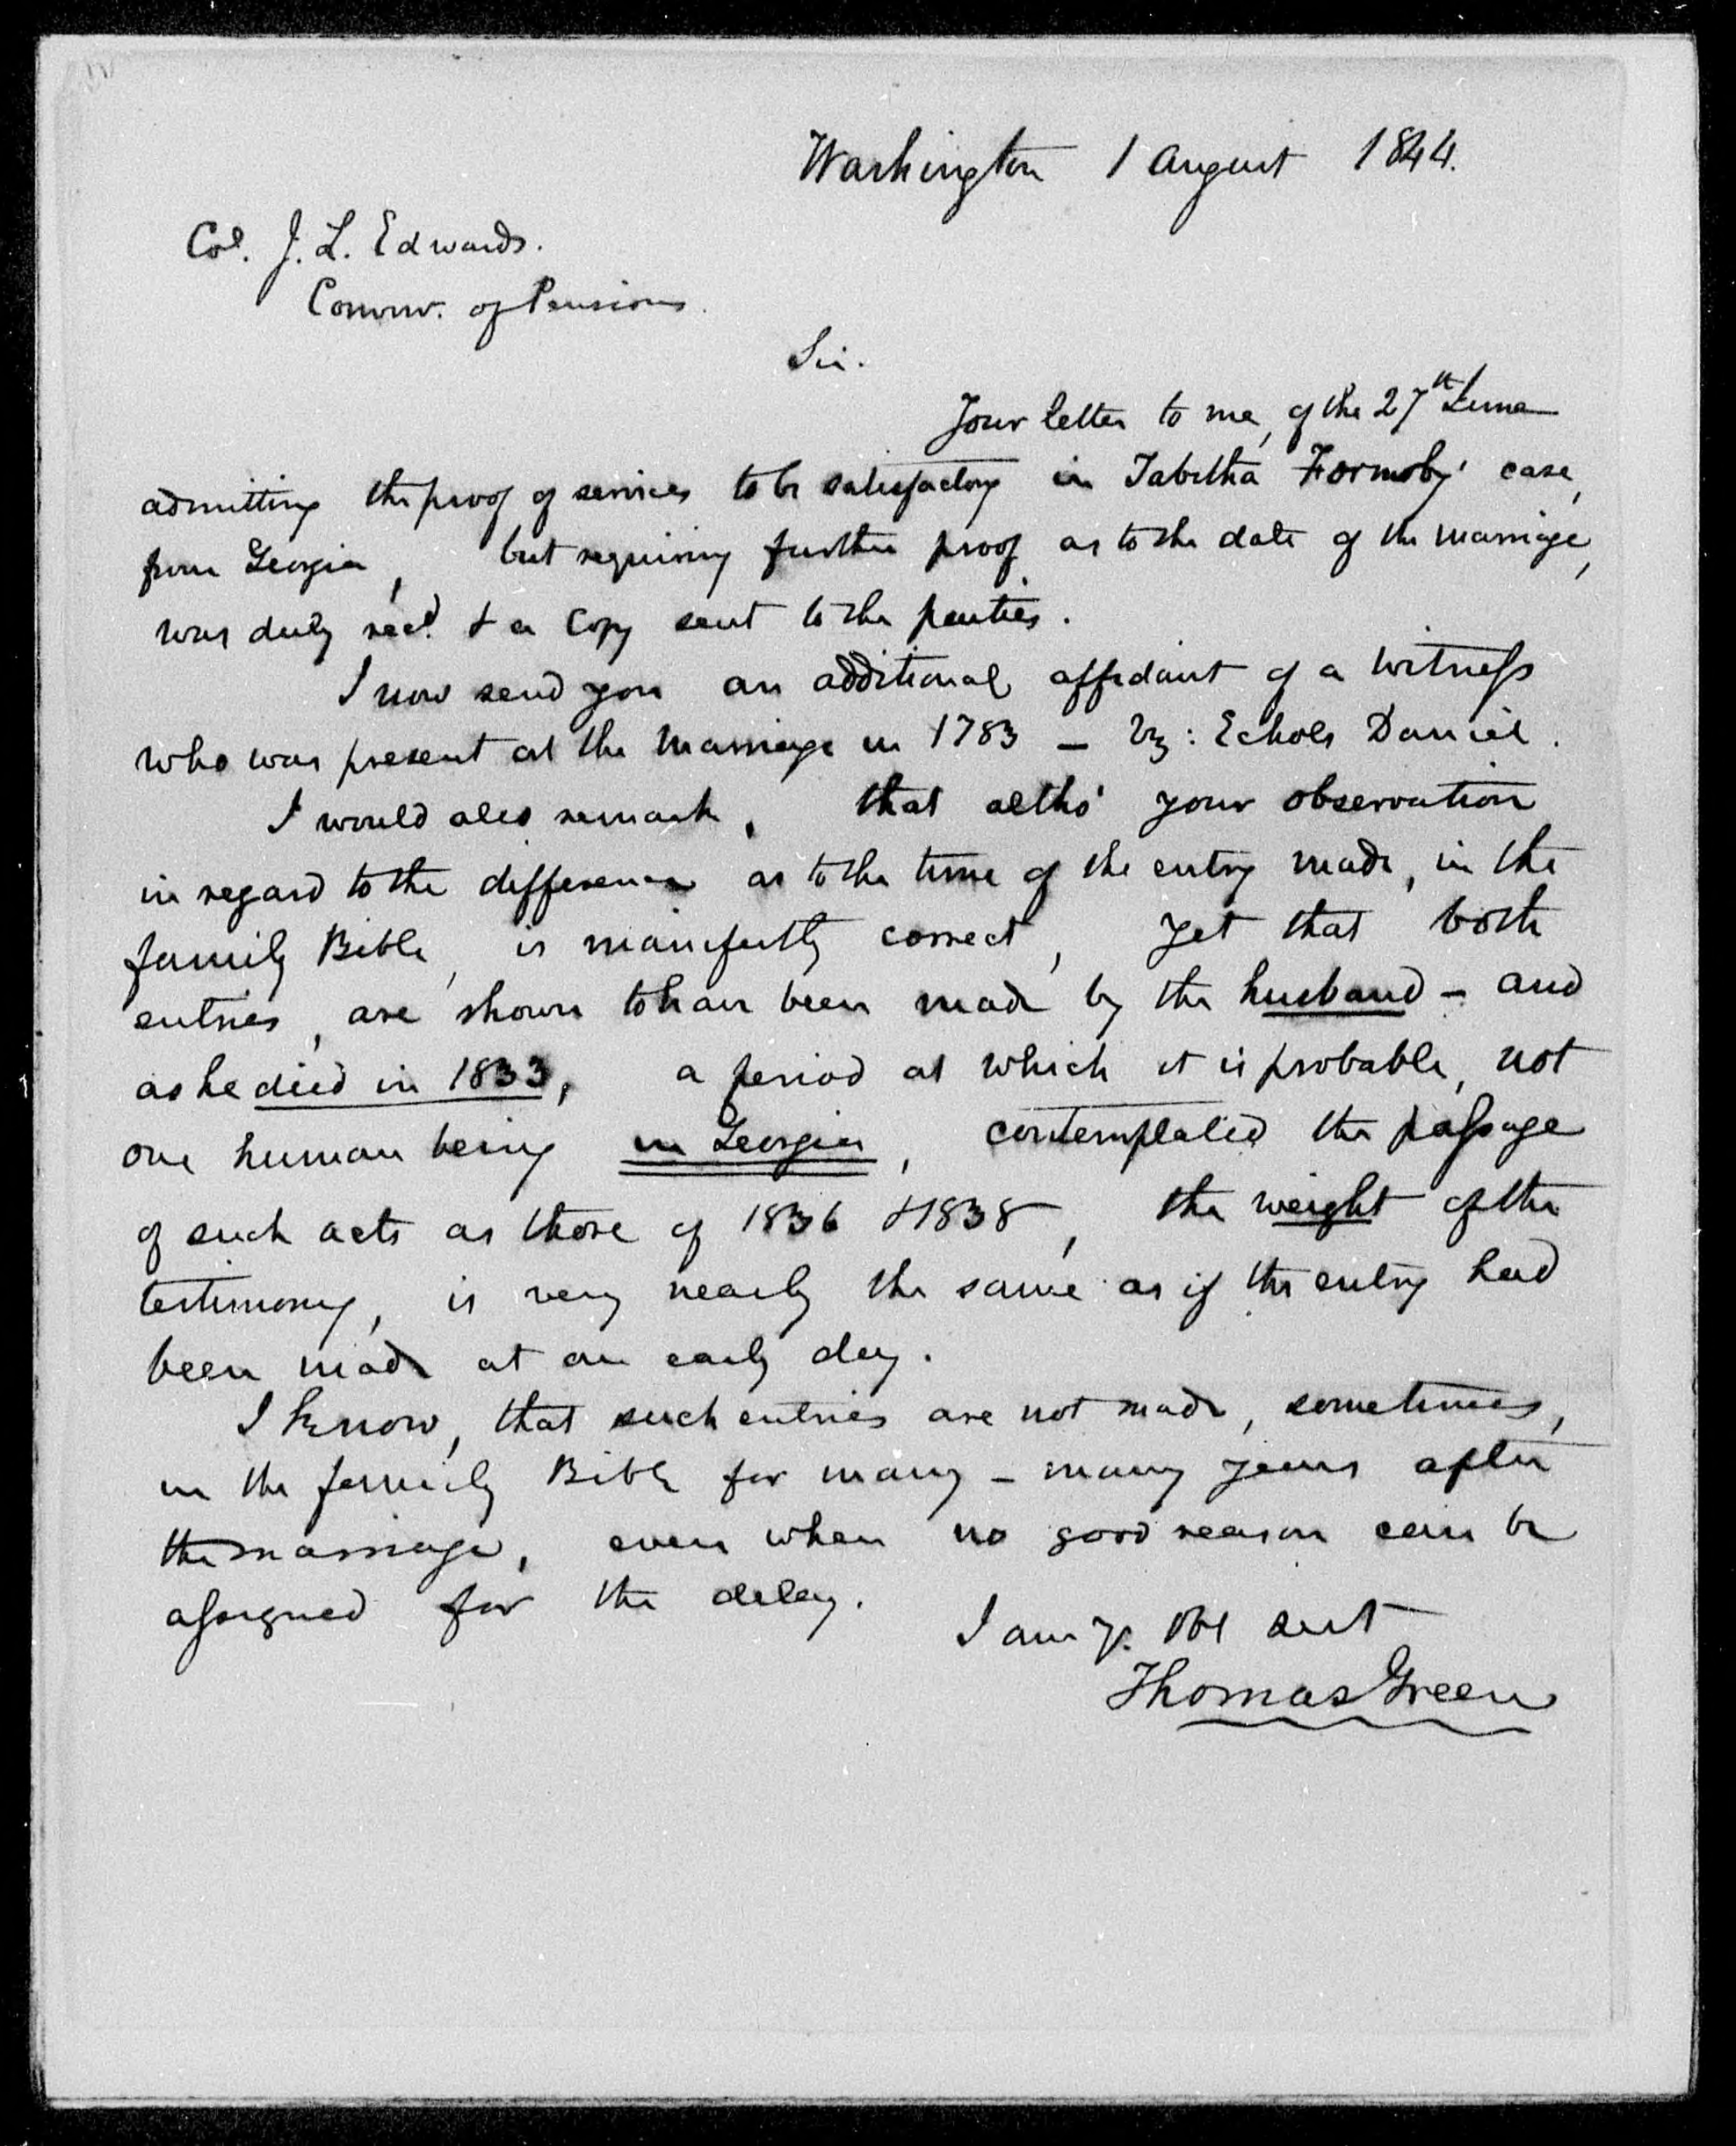Washington 1 August 1844.
Col. J. L. Edwards.
Comm. of Pensions

Sir.
Your letter to me, of the 27th June admitting the proof of services to be satisfactory in Tabitha Formby' case, from Georgia, but requiring further proof as to the date of the marriage, was duly recd. & a copy sent to the parties.

I now send you an additional affidavit of a witness who was present at the Marriage in 1783 - Viz: Echols Daniel.

I would also remark, that altho' your observation in regard to the difference as to the time of the entry made, in the family Bible, is manifestly correct, Yet that both entries, are shown to have been made by the husband [underlined] - and as he [begin underline] died in 1833, [end underline] a period at which it is probable, not one human being [begin double underline] in Georgia, [end double underline] contemplated the passage of such acts as those of 1836 & 1838, the weight [underlined] of the testimony, is very nearly the same as if the entry had been made at an early day.

I know, that such entries are not made, sometimes, in the family Bible for many - many years after the marriage, even when no good reason can be aforesaid for the delay.

I am yr obt svt
Thomas Green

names: J L Edwards, Echols Daniel, Thomas Green, Tabitha Formsby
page: 31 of 54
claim: widow's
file: W. 3794, Nathan Formby, Va.